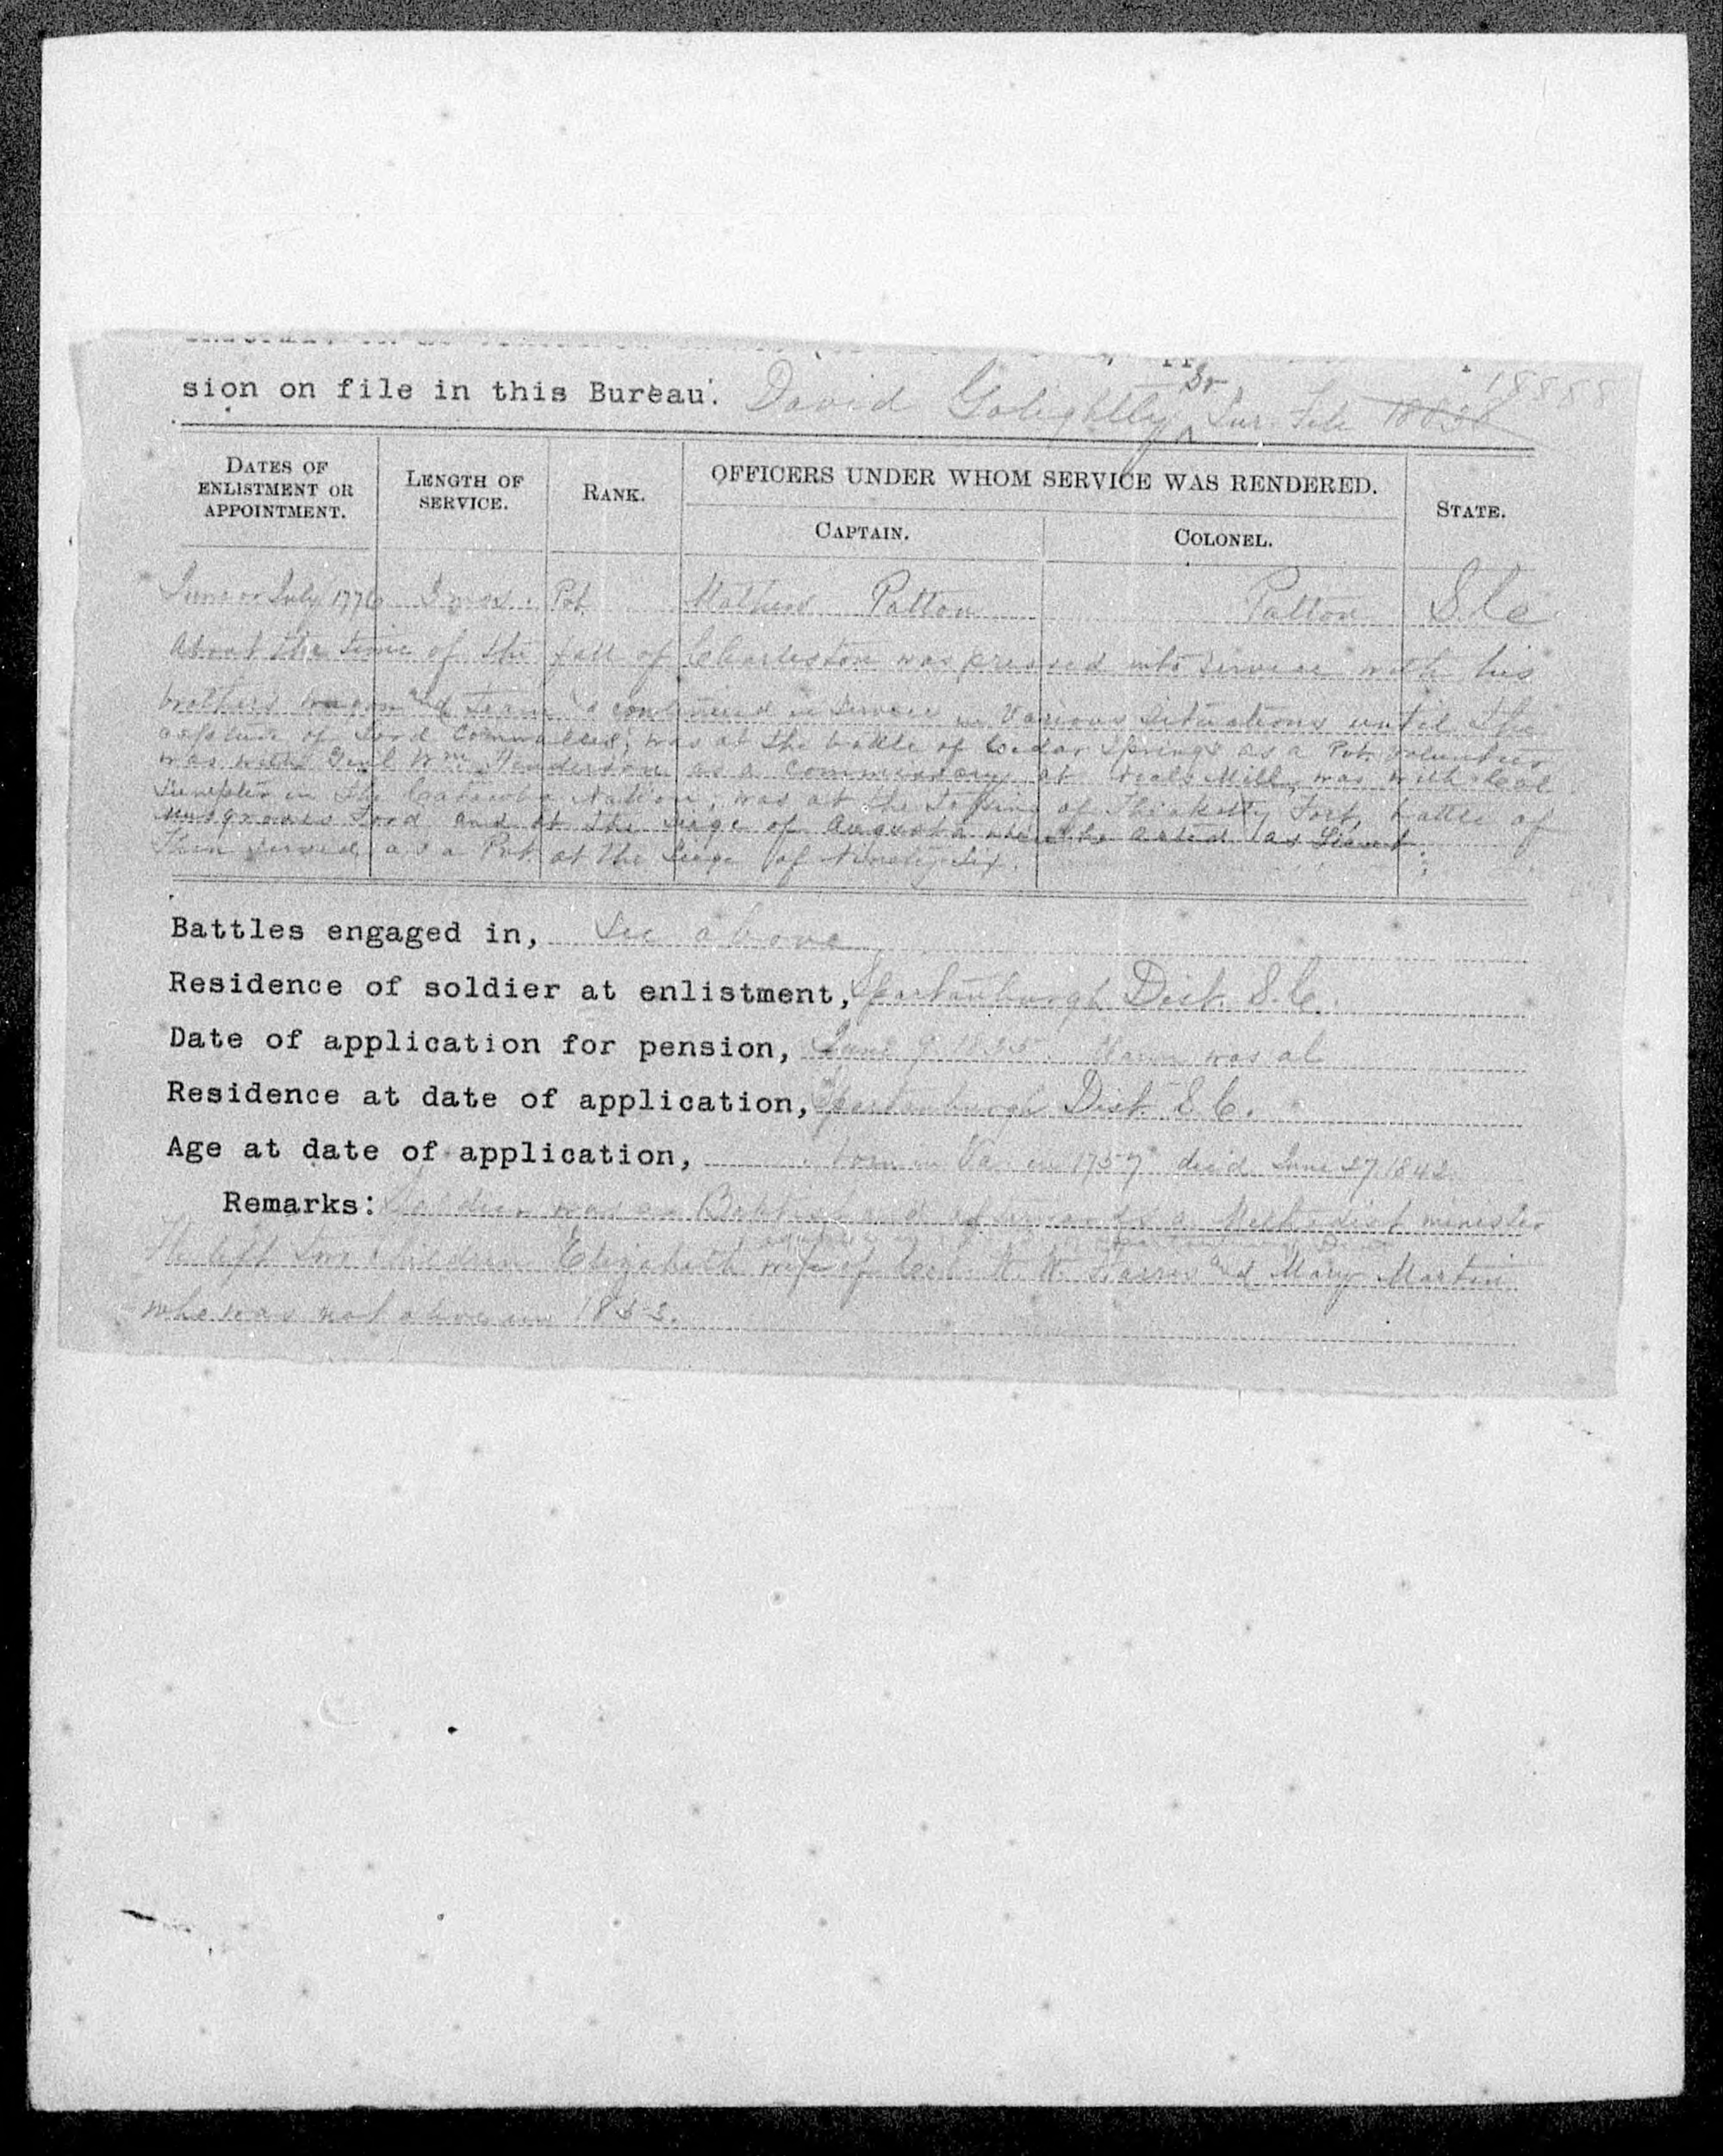sion on file in this Bureau: David Golightly Sr., For File 18888

DATEST OF 
ELISTMENT OR 
APPOINTMENT.
June or July 1776
LENGTH OF 
SERVICE.
8 Mos.
RANK.
Pvt.
OFFICERS UNDER WHOM SERVICE WAS RENDERED.
CAPTAIN.
Mathew Patton
COLONEL.
Patton
STATE
S.C.
about the time of the fall of Charleston was pressed into service with his brother dragoon
and then continued in service in various situations until the [illegible] of Lord Cornwallis; was at the battle of Cedar Springs as a Pvt. volunteer was with General Wm. Henderson as a commissary at Neals Mill, was with Colonel Sumpter in the Catawba Nation, was at the taking of  Thicketty Fort.  Battle Musgrove Ford and at the siege of Augusta where he acted as Lieutenant.  Then served as a Pvt at Siege of Ninety Six.
Battles engaged in, see above
Residence of soldier at enlistment, Spartanburg District S C.
Date of application for pension, June 9 1835 
Residence at date of application, Spartanburg District S.C.
Age at date of application, born in Va on 1757 died June 27, 1842
    Remarks:  Soldier was a Baptist and afterwards a Methodist minister who left two children, Elizabeth wife of W.W. Harris and Mary Martin who was not alive in 1853.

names: Mathew Patton, W W Harris, Mary Martin, Patton, David Golightly, Elizabeth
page: 7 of 57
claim: survivor's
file: S. 18888, David Golightly, S.C.